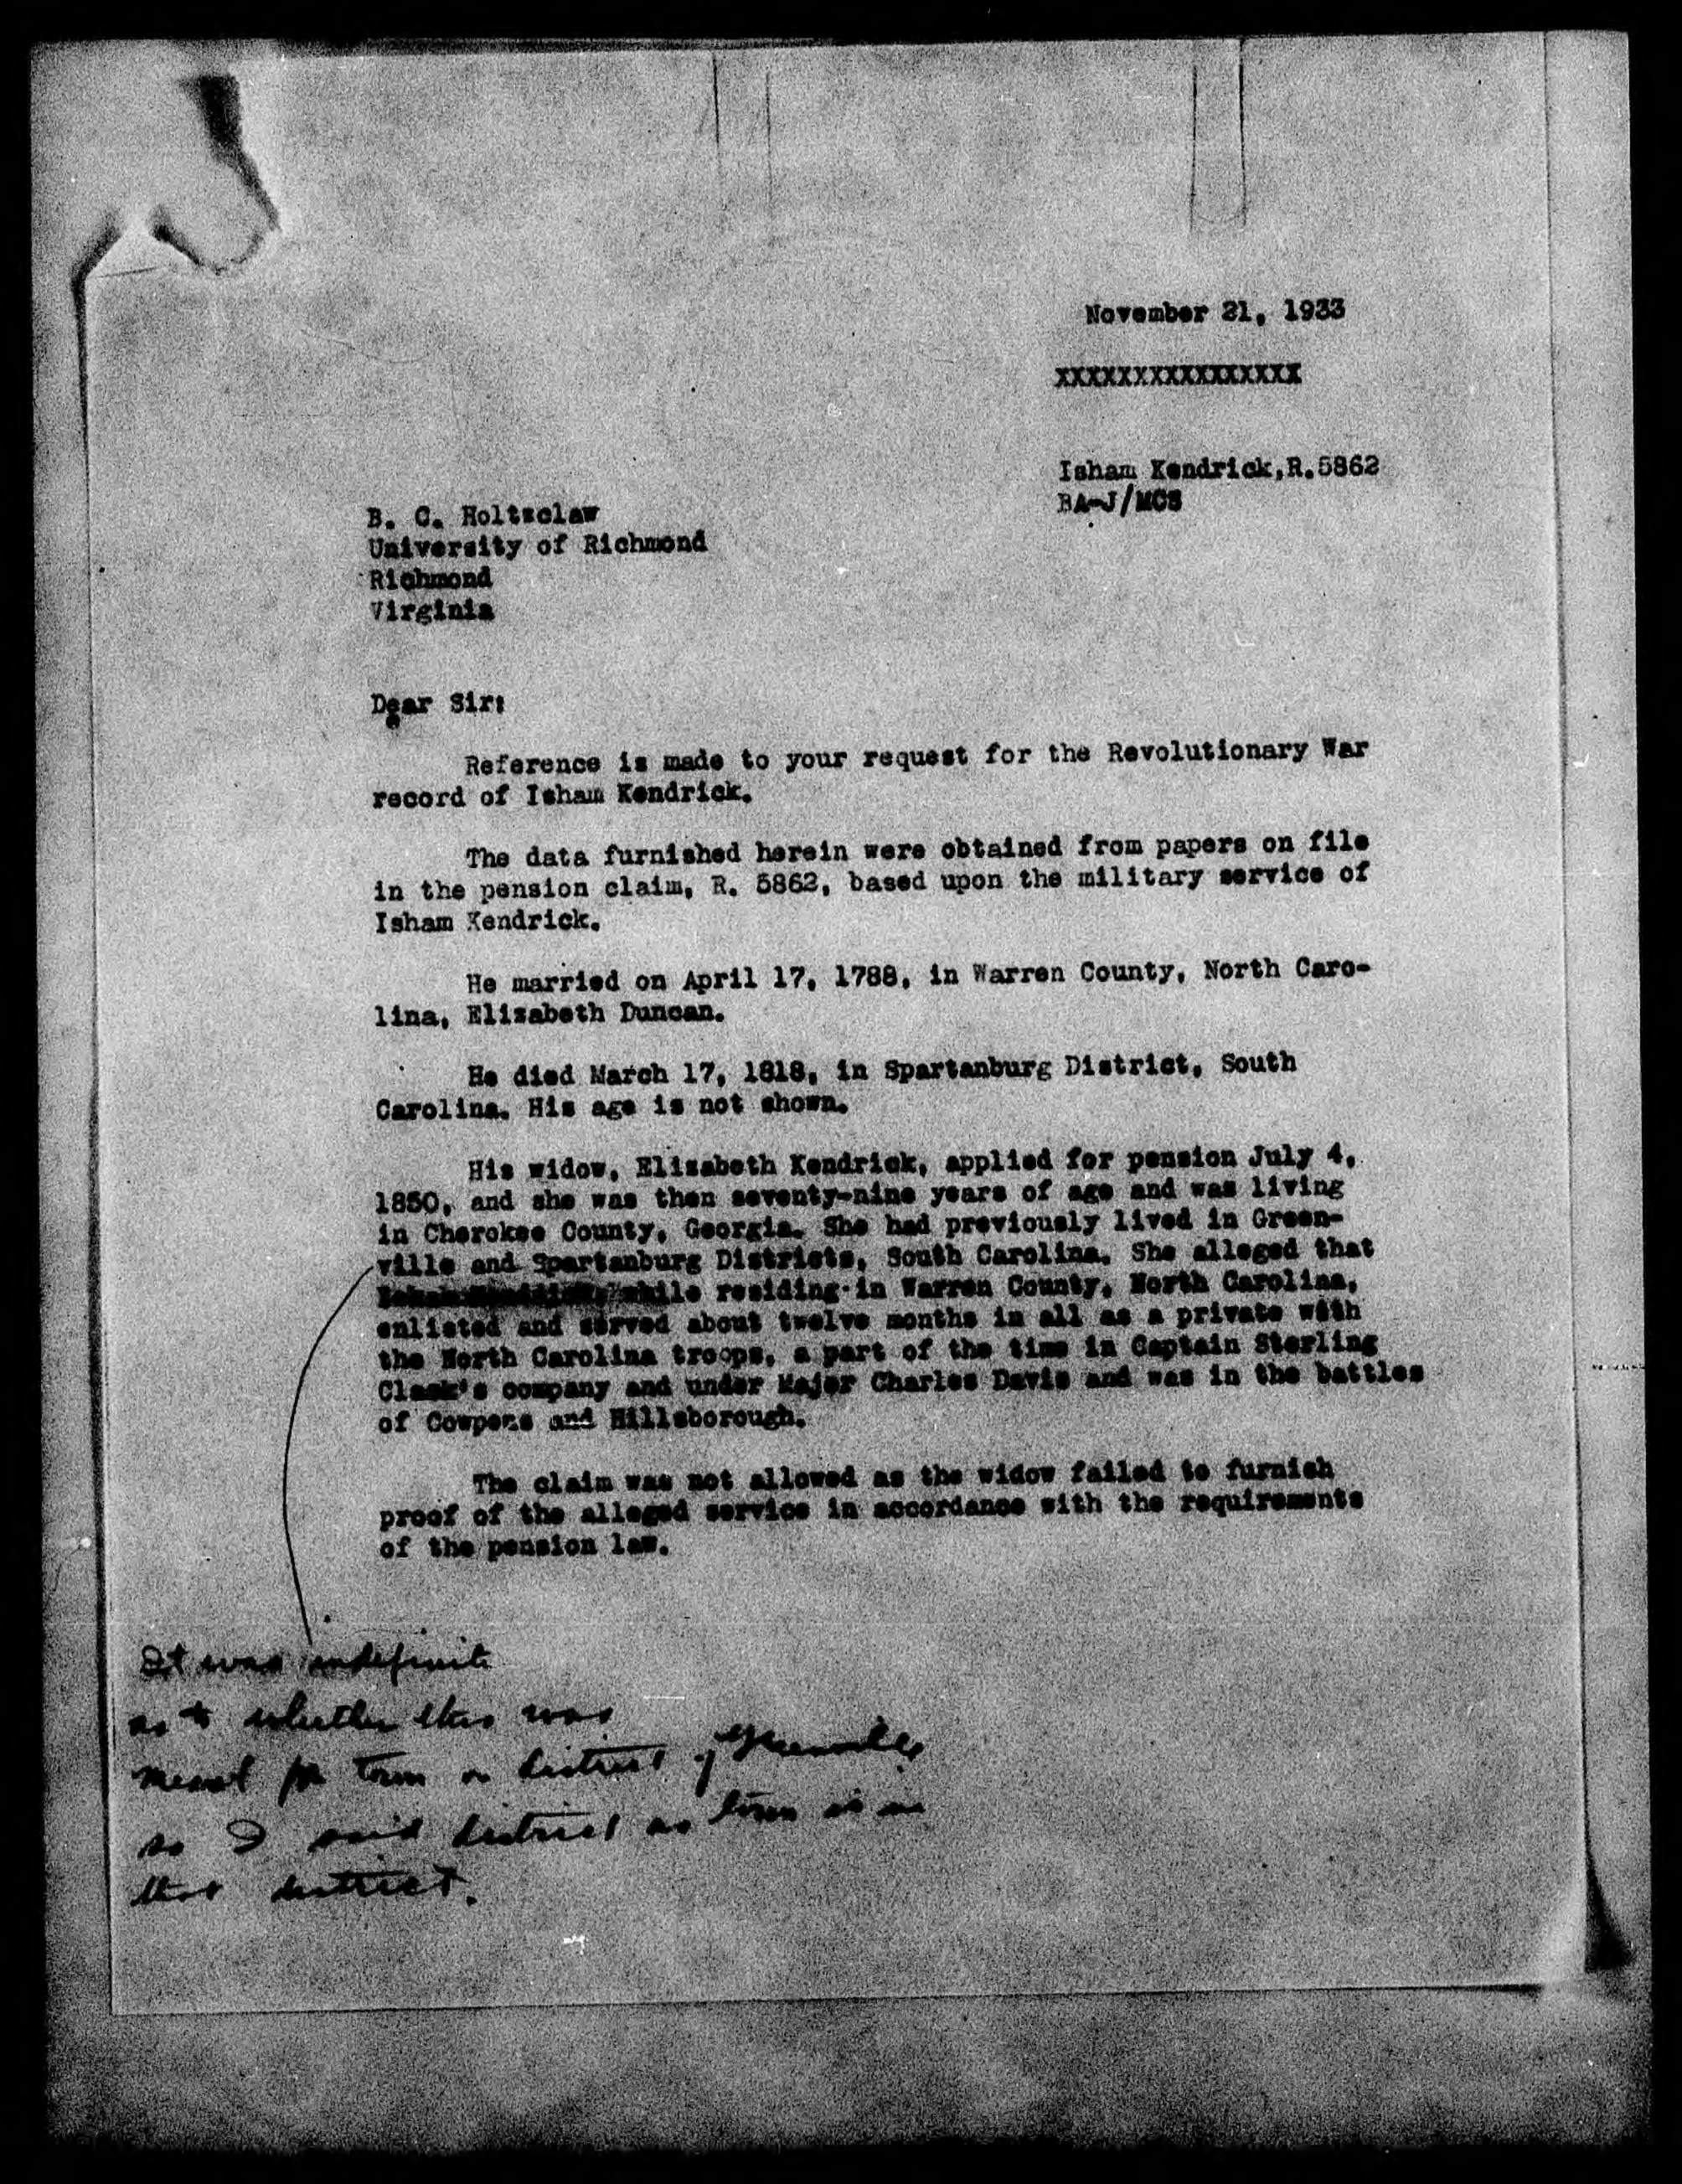November 21, 1933

XXXXXXXXXXXXXXXXXXX

Isham Kendrick, R. 5862
BA-J/MCS

B. C. Holtzclaw
University of Richmond
Richmond
Virginia

Dear Sir:

Reference is made to your request for the Revolutionary War
record of Isham Kendrick.

The data furnished herein were obtained from papers on file
in the pension claim, R. 5862, based upon the military service of 
Isham Kendrick.

He married on April 17, 1788, in Warren County, North Carolina,
Elisabeth Duncan.

He died March 17, 1818, in Spartanburg District, South 
Carolina.  His age is not shown.

His widow, Elisabeth Kendrick, applied for pension July 4,
1850, and she was then seventy-nine years of age and was living 
in Cherokee County, Georgia.  She had previously lived in Greenville
and Spartanburg Districts, South Carolina.  She alleged that 
[illegible due to ink smear] while residing in Warren County, North Carolina,
enlisted and served about twelve months in all as a private with
the North Carolina troops, a part of the time in Captain Sterling
Clack's company and under Major Charles Davis and was in the battles
of Cowpens and Hillsborough.

The claim was not allowed as the widow failed to furnish
proof the alleged service in accordance with the requirements
of the pension law.

[handwritten note at the bottom left of the page with an arrow pointing to the line with the smeared ink]
It was indefinite
as to whether this was 
meant for term or district [illegible]
as I said district as lived in 
that district.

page: 6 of 29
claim: rejected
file: R. 5862, for Isham Kendrick, North Carolina